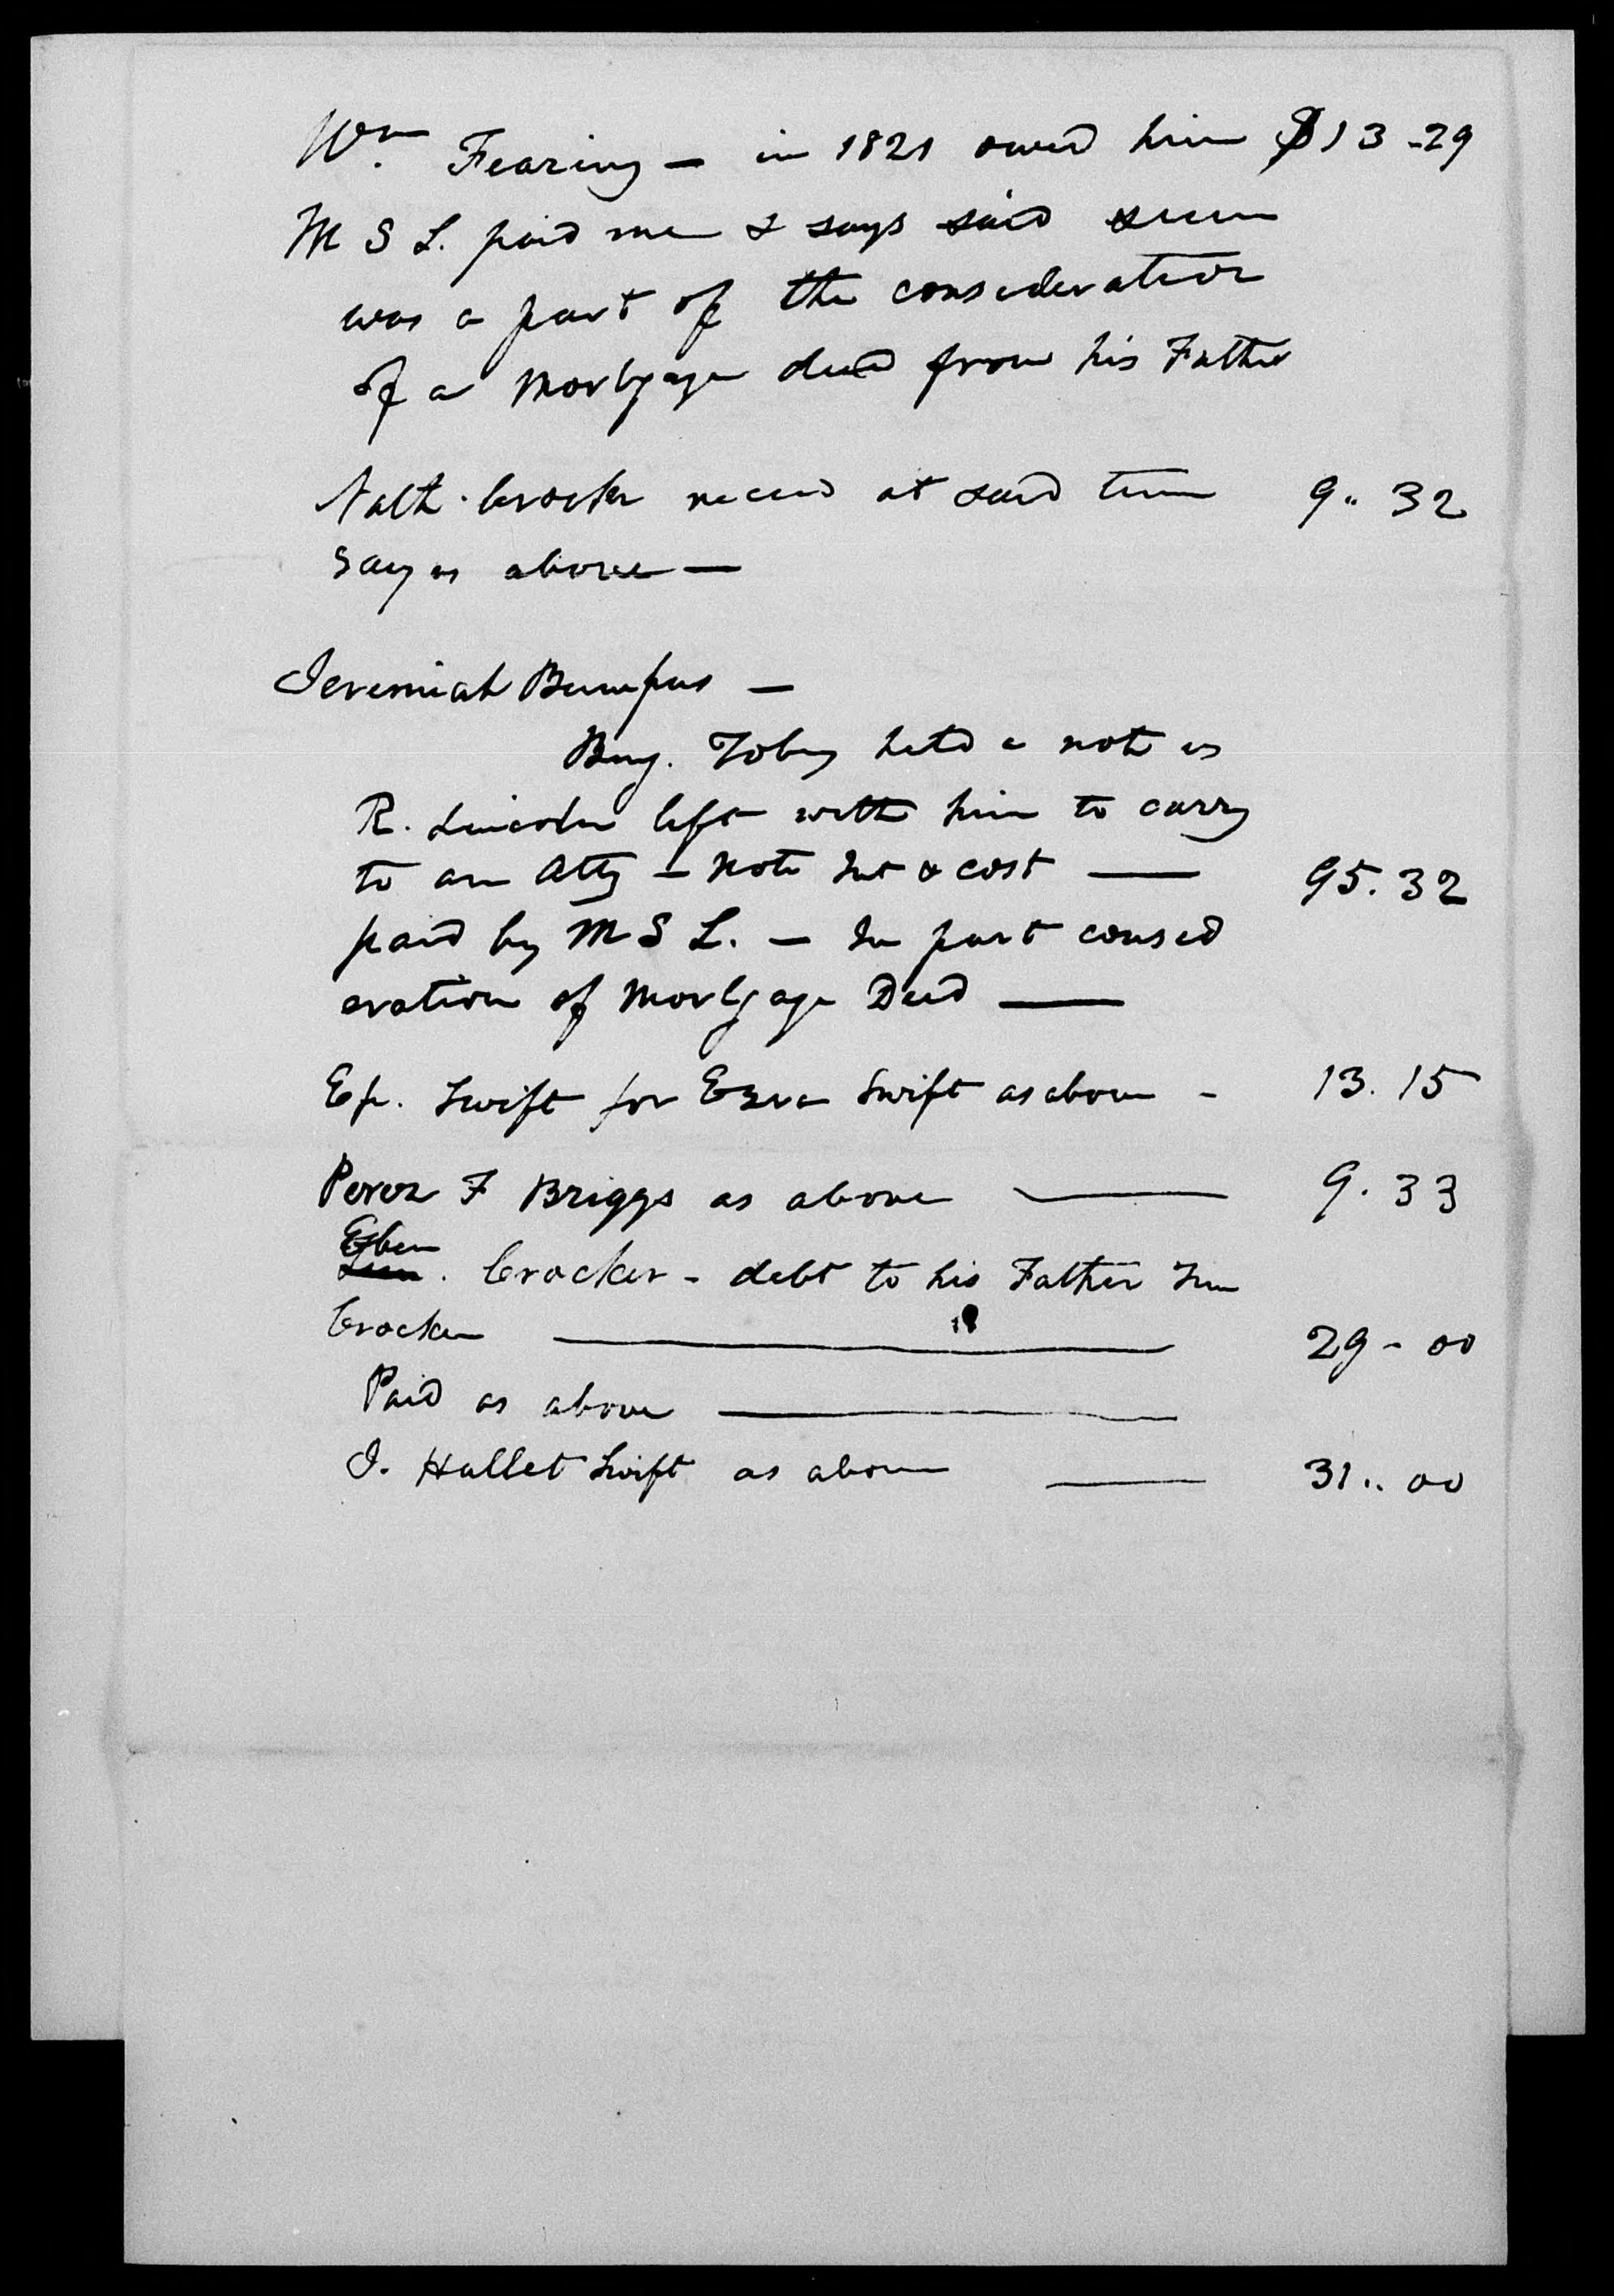Wm Fearing-- in 1821 owed him $13.29
M S S. paid me & says said sum
was a part of the consideration
of a Mortgage due from his Father

Nath Crocker received at said time 9. 32
Say as above---

Jeremiah Bumpus --
Brig. Tobey held a note is
R. Lincoln left with him to carry
to an atty-- note Int & cost______95.32
paid by M S L..- In part consideration of Mortgage Deed ________
Efr. Swift for Ezra Swift as above -  13.15
Percy F Briggs as above--      9.33
       

Eben Crocker- debt to his Father from
Crocker _____________________ 29.00
Paid as above ______________
J. Hallet Swift as above_________31.00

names: Ezra Swift; R Lincoln; Eber Crocker; Benj Tobey; Wm Fearing; Jeremiah Bumpus; J Hallet Swift; Perez F Briggs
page: 68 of 82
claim: widow's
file: W. 13,634, for Rufus Lincoln, Massachusetts